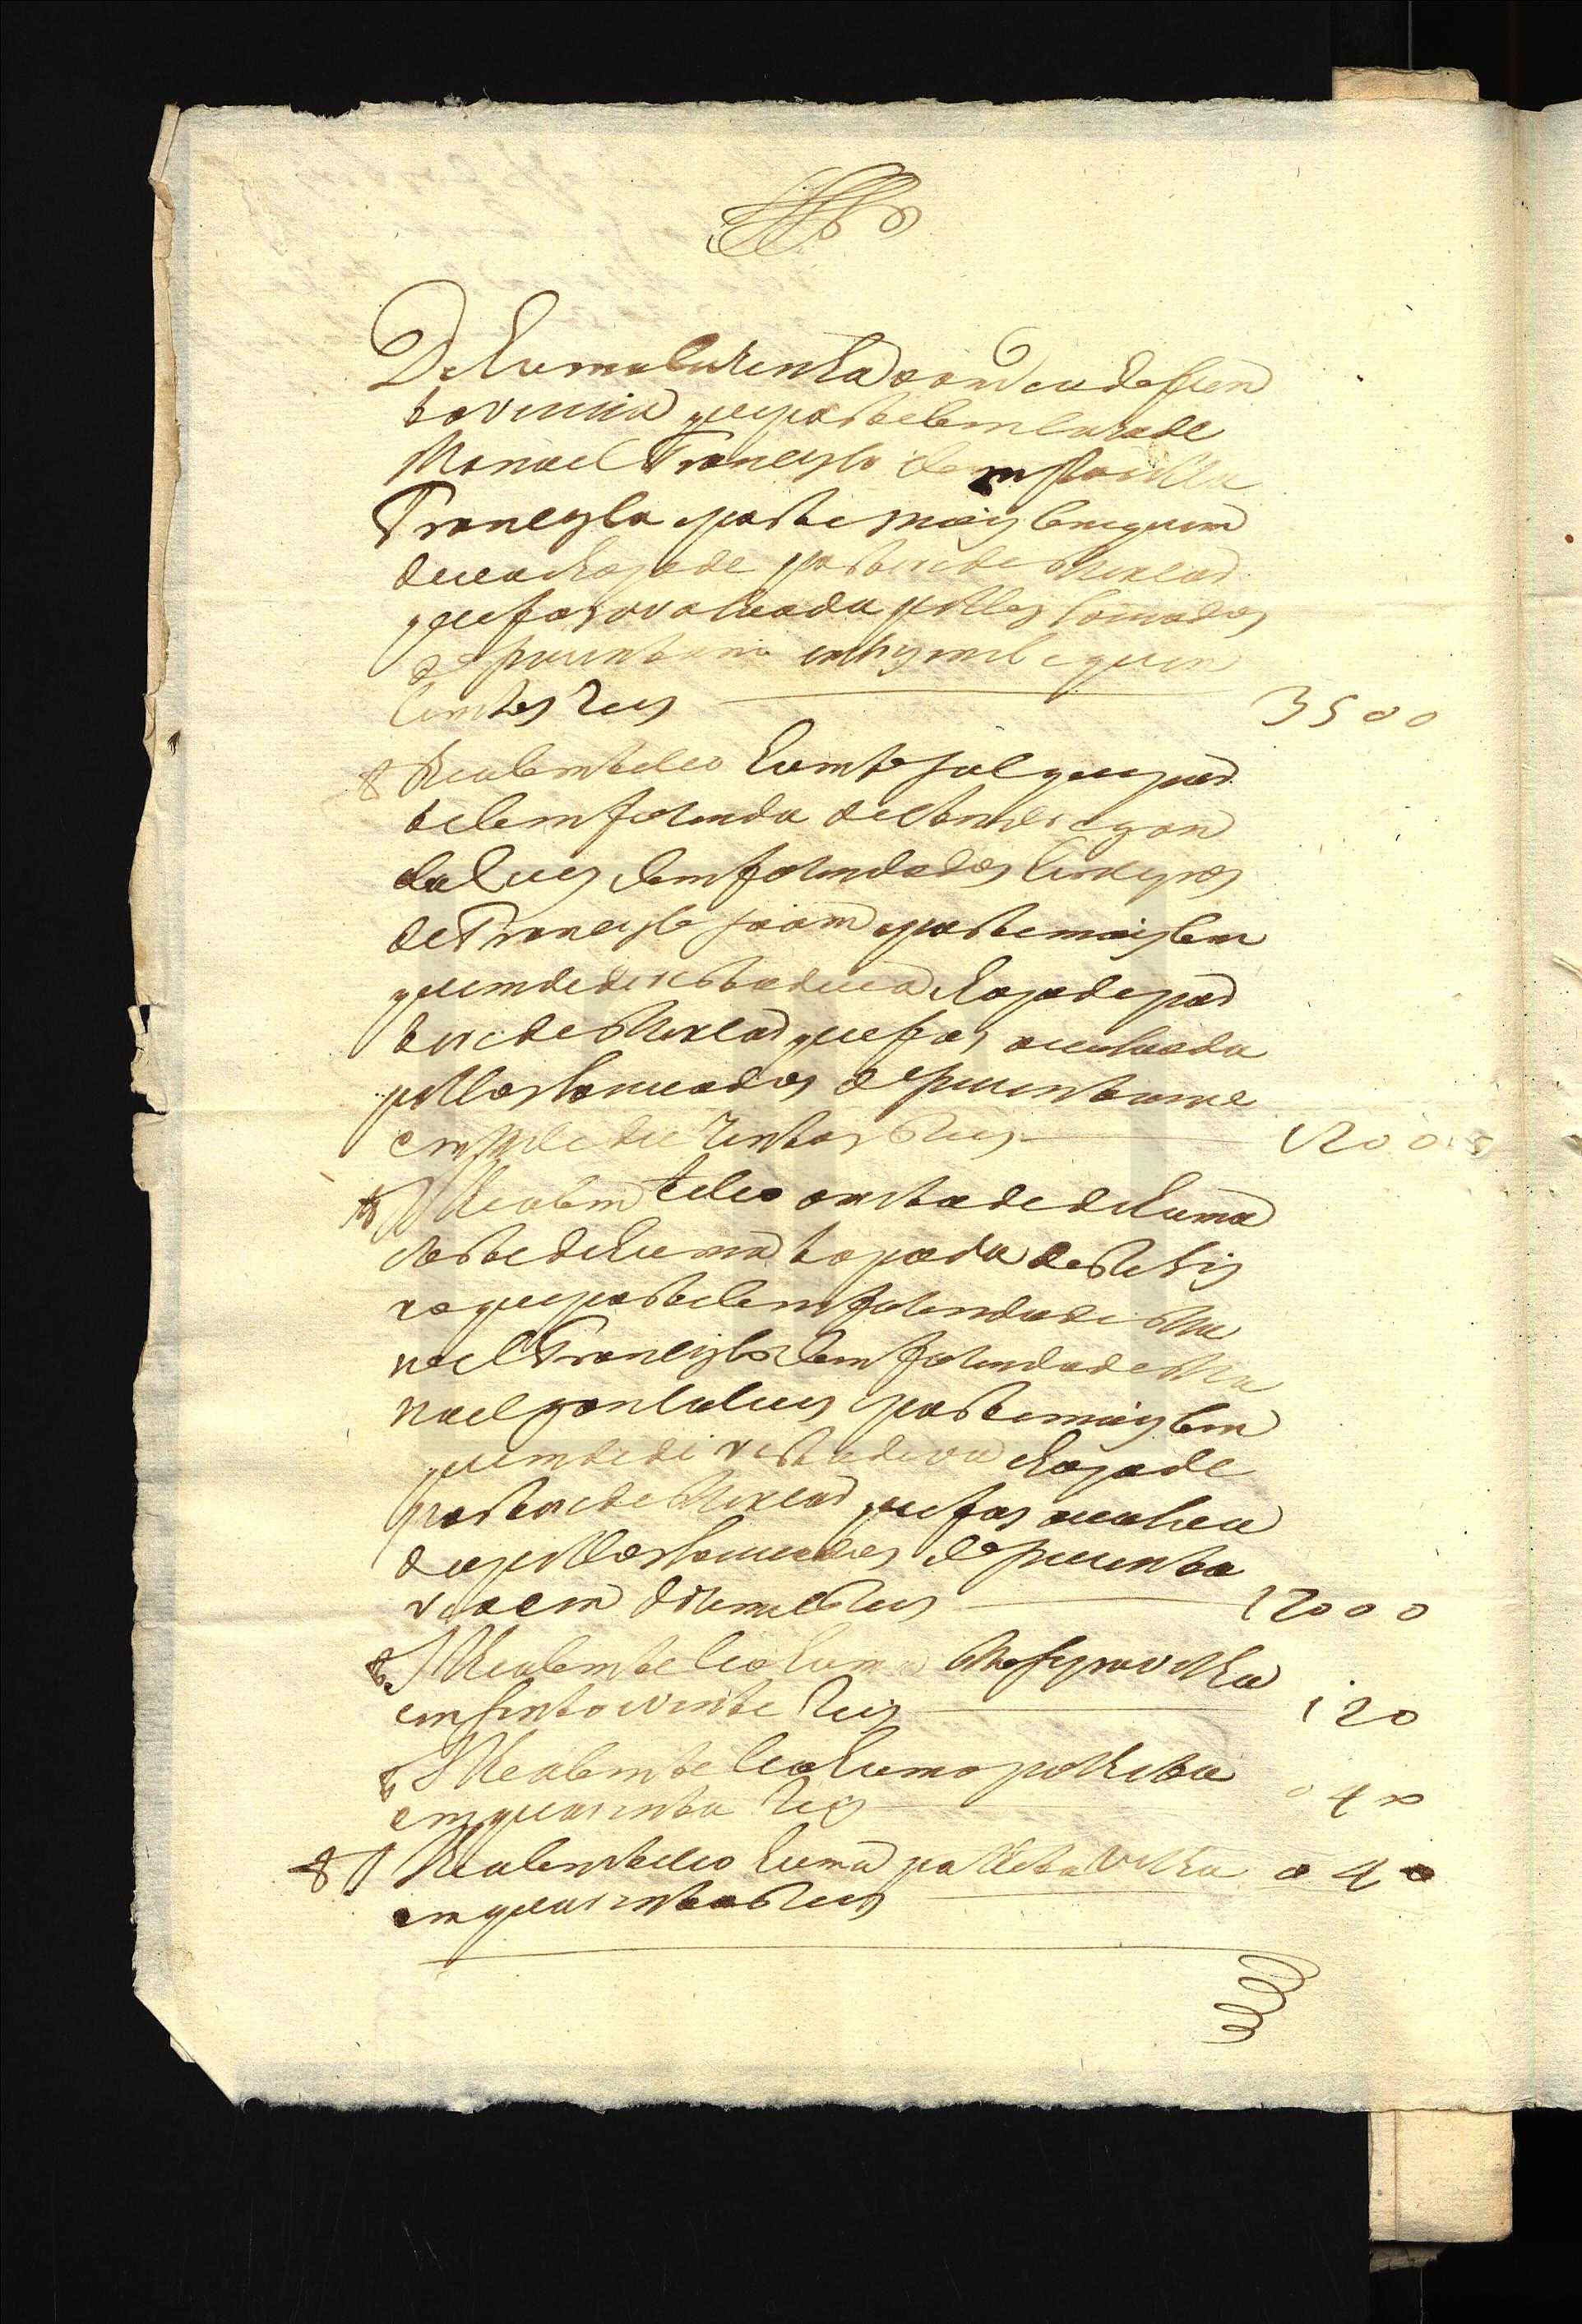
De huma Cazinha aonde a defun
ta veuuia que parte Com Caza de
Manoel Francisco e Com Paulla
Francisca e parte mais Com quem
deua e haja de partir e deMarcar
que foj avaluada pellos louuados
do Jnuentario em tres mil e quin
hemtos Reis
3500
item lhe aComteceo hum tojal que par
te Com fazenda de Andre gon
Calues, Com fazenda dos herdejros
de FrancisCo Joam e parte mais Com
quem de dereito deua e haja de par
tir e deMarcar que foi aualuada
pellos louuados do Jnuentario
em mil e duzentos Reis
1200
item lhe aComteCeo a metade huma
sorte de huma tapada de Ribej
ro que parte Com fazenda de Ma
noel Francisco e Com fazenda de Ma
noel goncalues e parte mais Com
quem de direito deva e haja de
partir e deMarcar que foi aualua
da pellos louuados do jnuenta
rio em doze mil Reis
12000
item lhe aComteCeo huma Moseyra velha
em sento e vinte Reis
120
item lhe aComteCeo huma palheta
040
em quarenta Reis
item lhe aComteCeo huma palheta velha
040
em quarenta Reis
